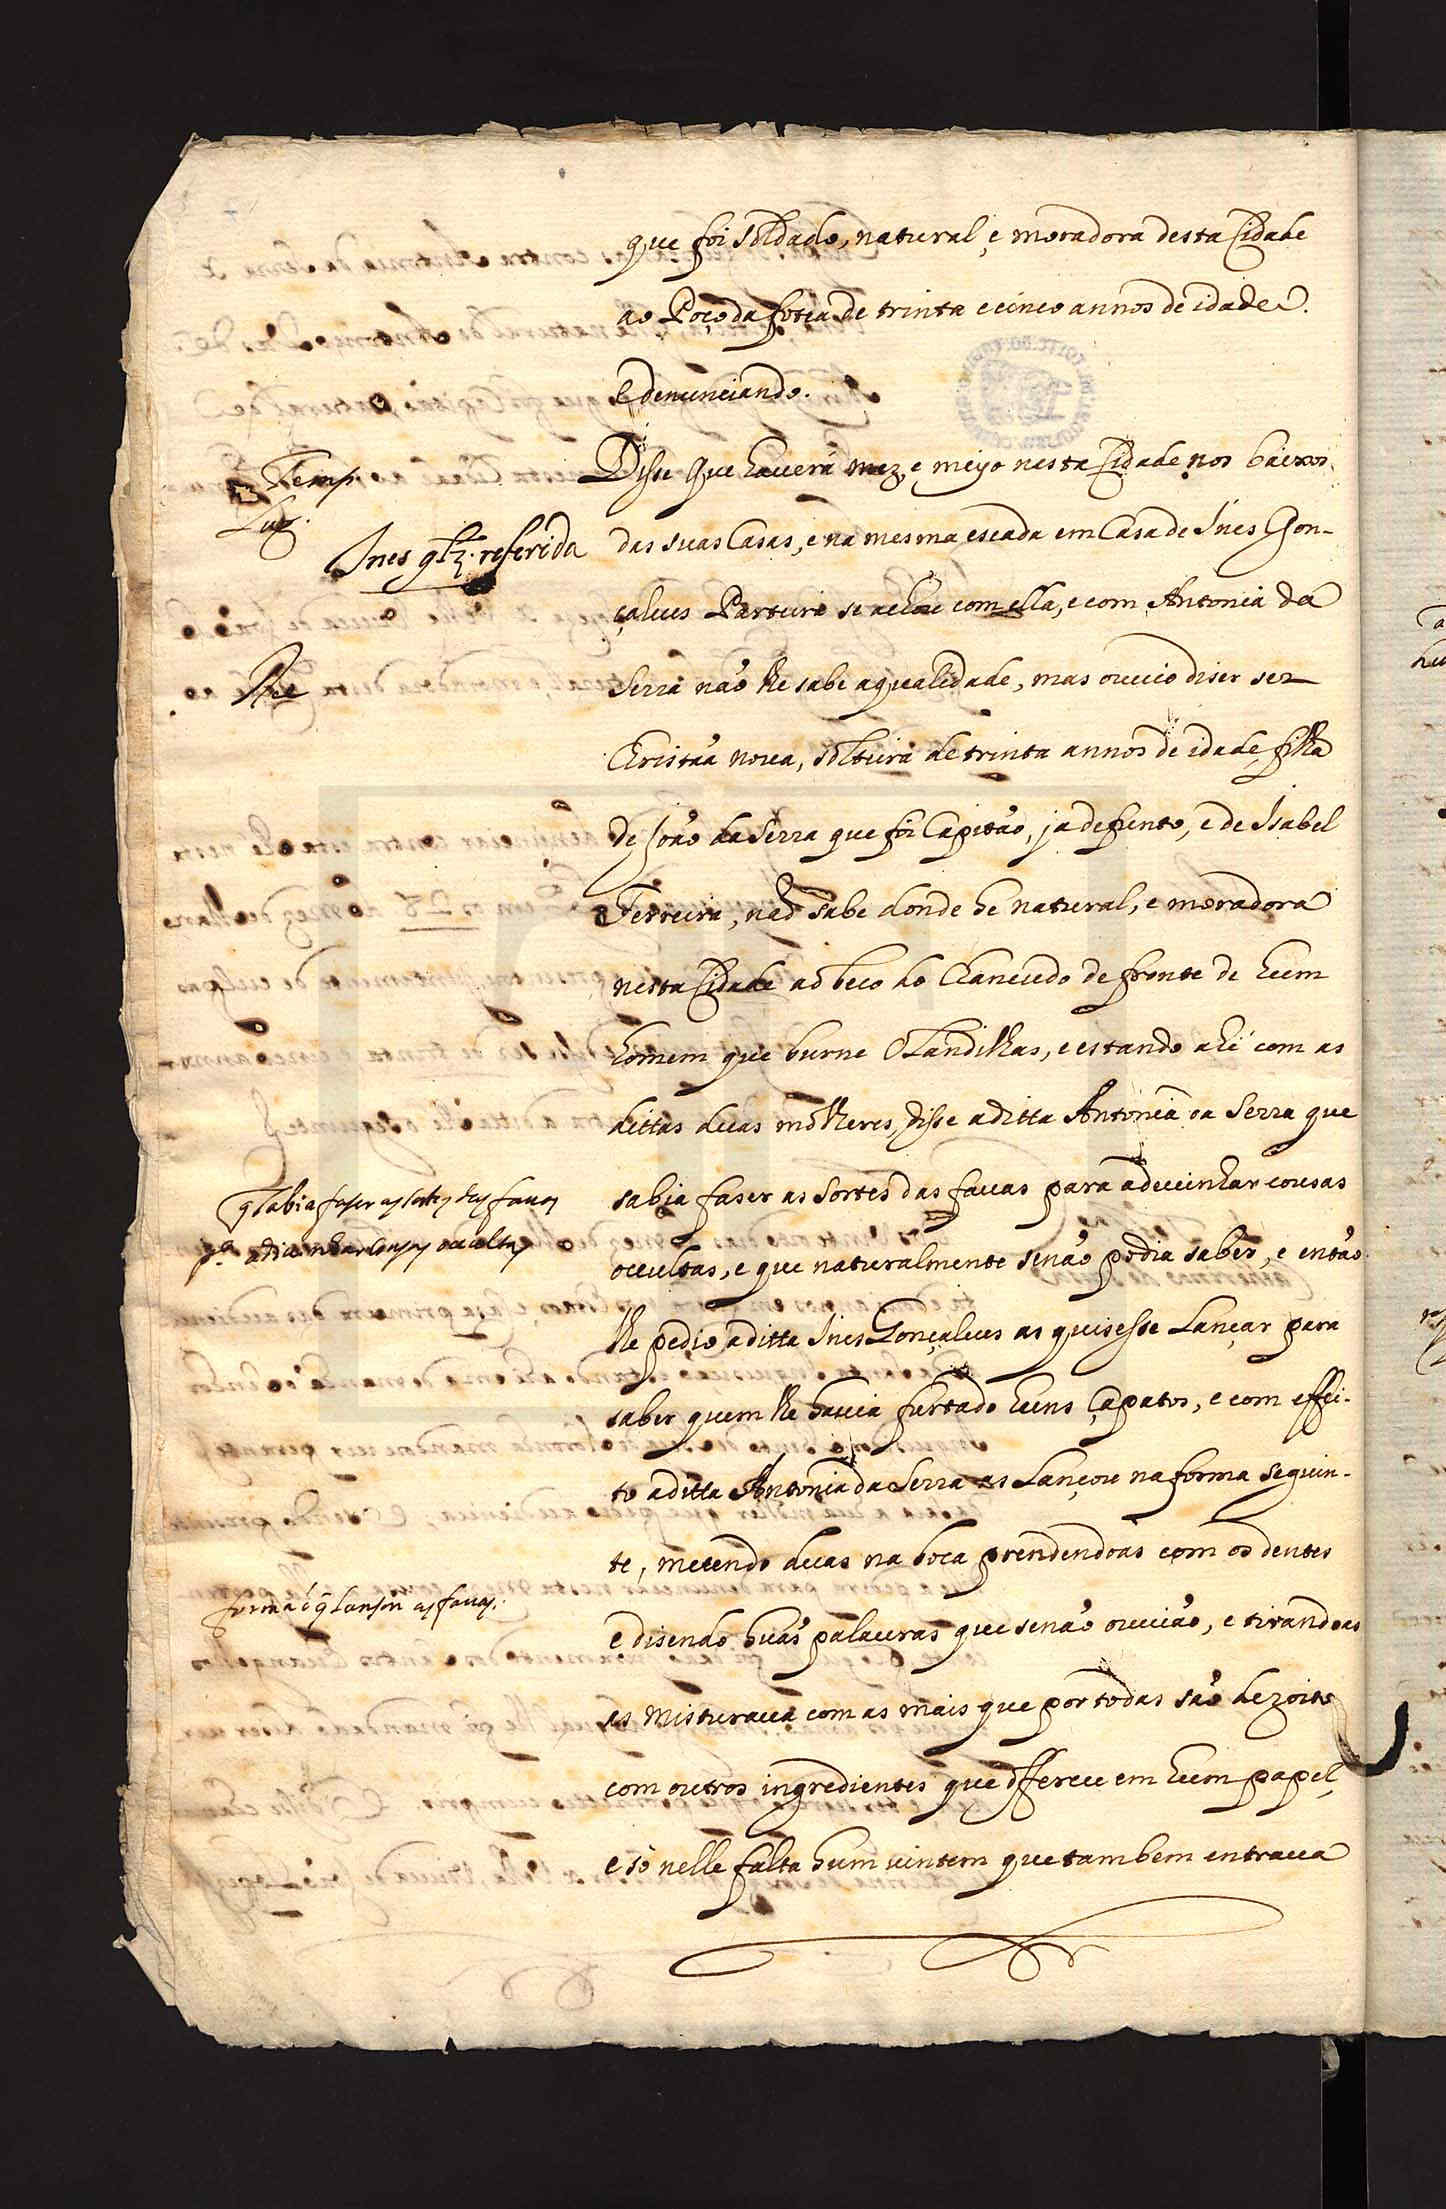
que foi soldado, natural, e moradora desta Cidade
ao Poço da fosea de trinta e cinco annos de idade.
E denunciando.
Disse que hauera mez e meyo nesta Cidade nos baixos
das suas Casas, e na mesma escada em Casa de Ines Gon
çalues Parteiro se achou com ella, e com Antonia da
Serra naõ lhe sabe a qualidade, mas ouuio diser ser
Christaã nova, solteira de trinta annos de idade, filha
de João da Serra que foi Capitão, já defunto, e de Isabel
Ferreira, naõ sabe donde he natural, e moradora
nesta Cidade ao beco do Chancudo defronte de hum
homem que burne O Landilhas, e estando ahi com as
dittas duas molheres, disse a ditta Antonia da Serra que
sabia fazer as sortes das fauas para adeuinhar cousas
occultas, e que naturalmente se não podia saber, e então
lhe pedio a ditta Ines Gonçalves as quisesse lançar para
saber quem lhe havia furtado huns çapatos, e com effei
to a ditta Antonia da Serra as lançou na forma seguin
te, metendo duas na boca prendendoas com os dentes
e disendo huās palavras que se naõ ouuião, e tirandoas
as misturaua com as mais que por todas são dezoito
com outros ingredientes que offerece em hum papel,
e sò nelle falta hum vintem que também entraua
